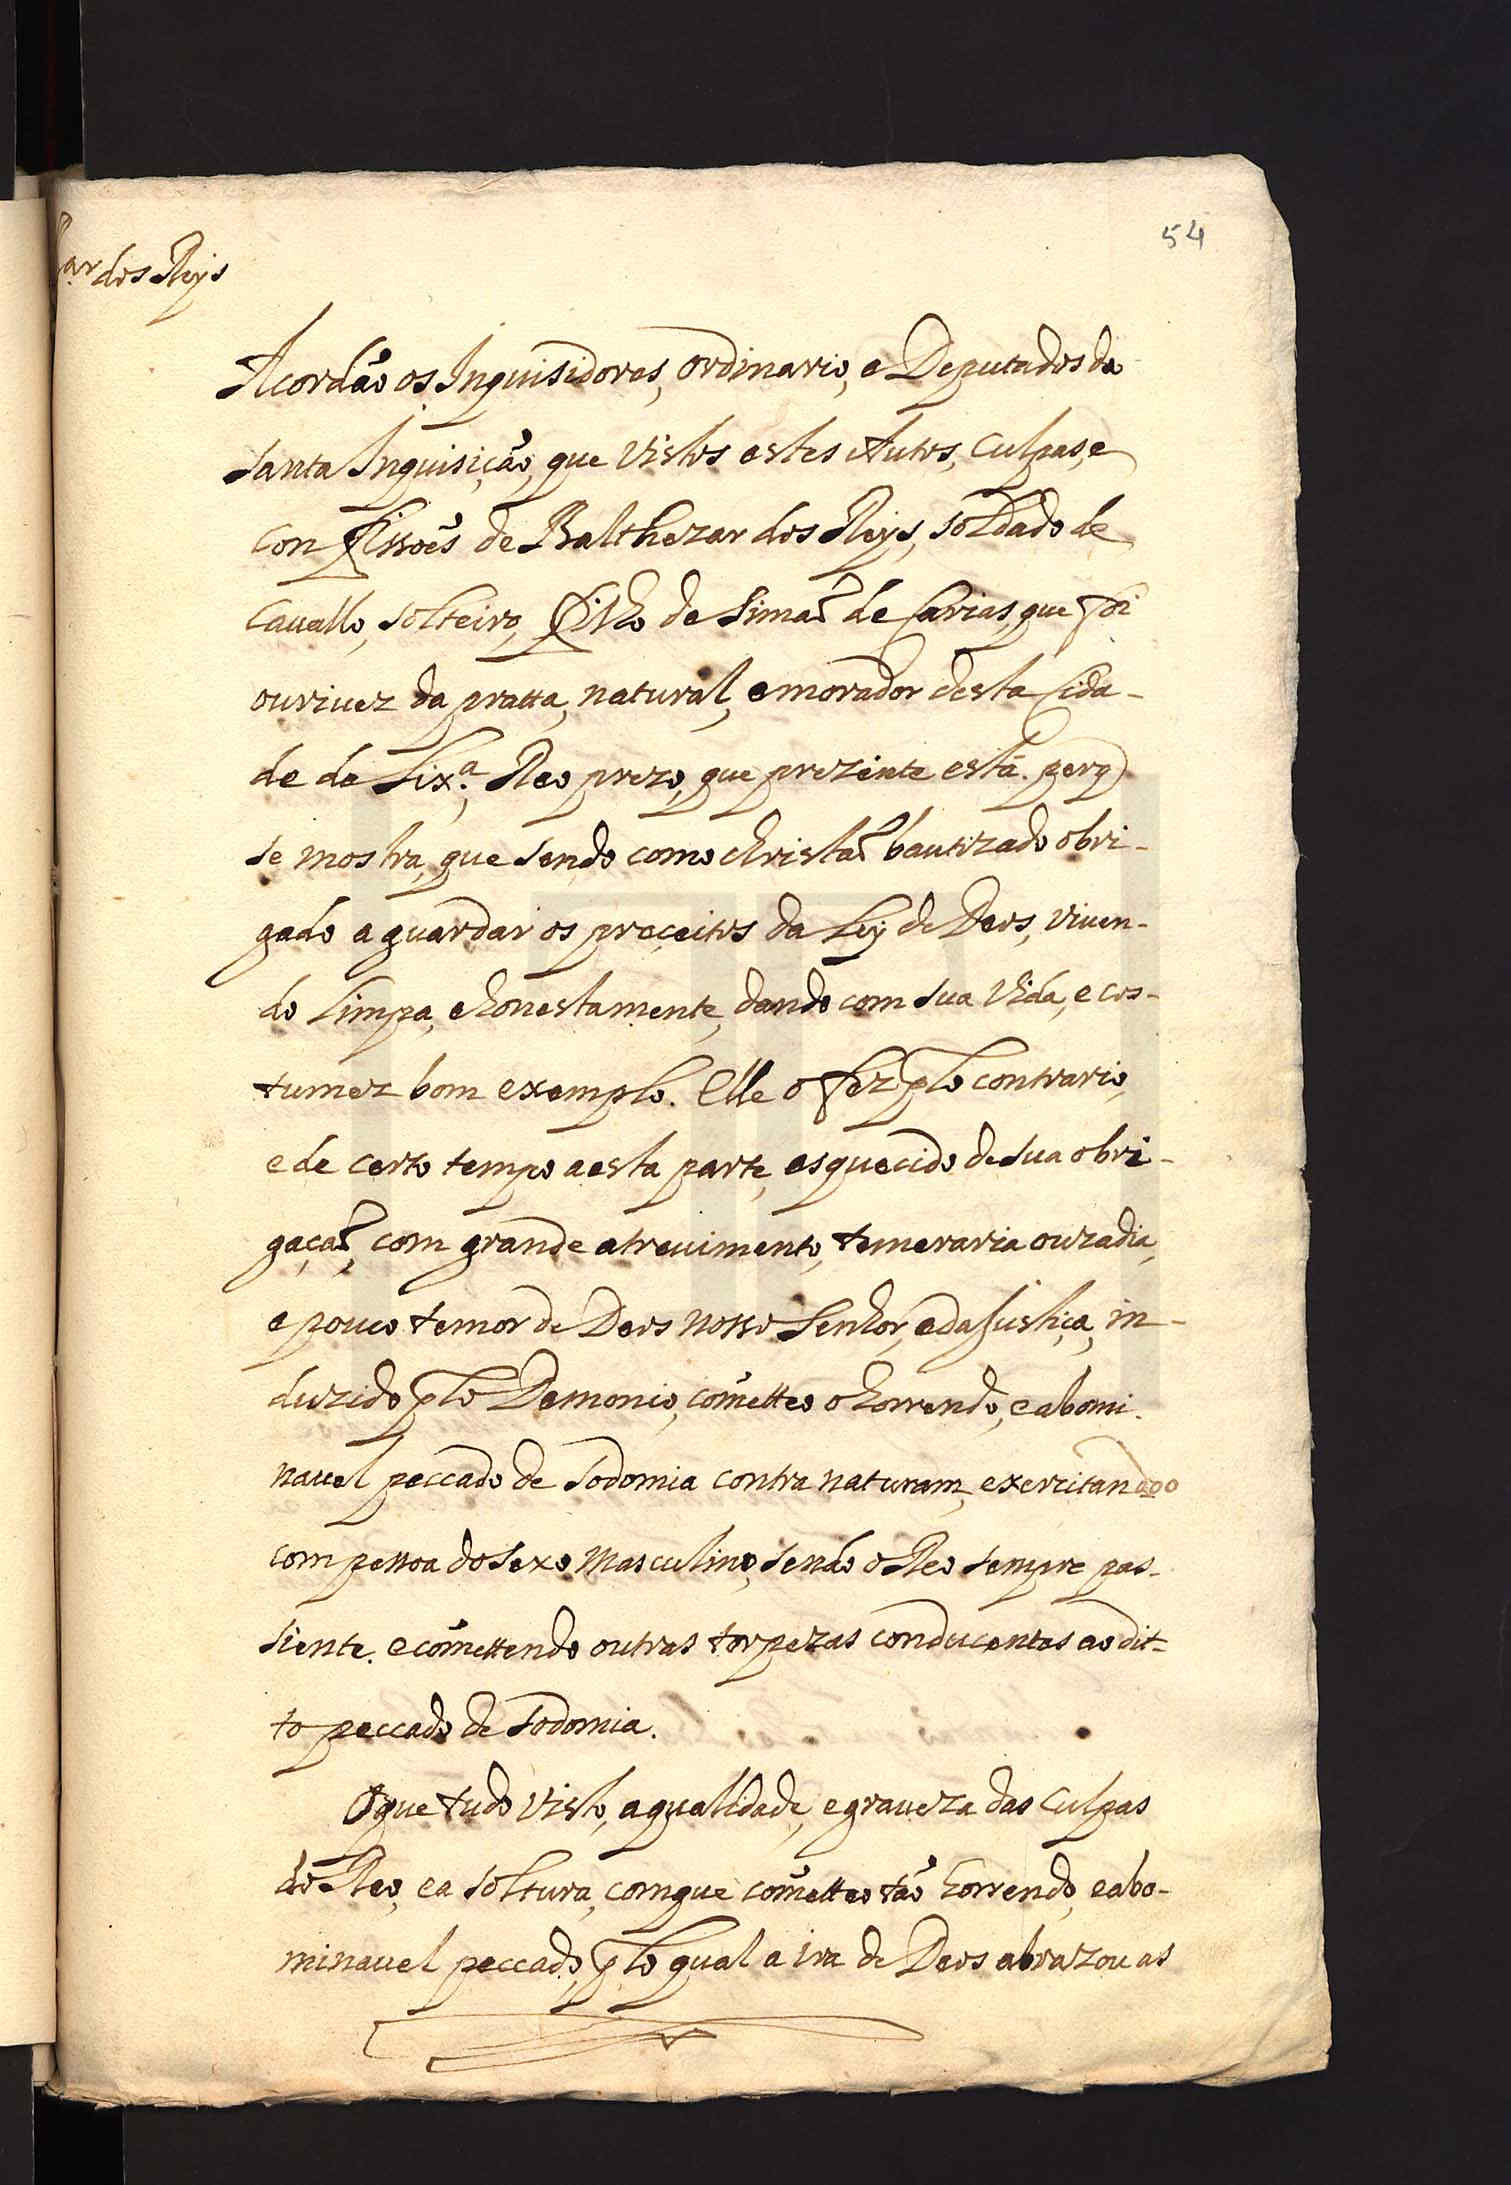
ar dos Reys
Acordão os Inquisidores, ordinario, e Deputados da
Santa Inquisição, que vistos estes Autos, culpas, e
confissões de Balthezar dos Reys, soldado de
Cauallo, solteiro, filho de Simaõ de Carias, que foi
ourivez da pratta, natural, e morador desta Cida
de de Lix.a, Reo prezo, que prezente está porq̄
se mostra, que sendo como christaõ bautizado obri
gado a guardar os preceitos da Ley de Deos, viuen
do Limpa, e honestamente, dando com sua Vida, e cos
tumez bom exemplo. Elle o fez plo contrario,
e de certo tempo a esta parte, esquecido de sua obri
gaçaõ, com grande atrevimento, temeraria ouzadia,
e pouco temor de Deos nosso Senhor e da Justiça, in
duzido plo Demonio, com̄etteo o horrendo, e abomi
navel peccado de sodomia contra naturam, exercitando o
com pessoa do sexo masculino, sendo o Reo sempre pas
siente e com̄ettendo outras torpezas conducentes ao di
to peccado de sodomia.
O que tudo visto, a qualidade, e graueza das culpas
do Reo, e a soltura, com que com̄etteo taõ horrendo, e abo
minauel peccado, plo qual a ira de Deps abrazou as
